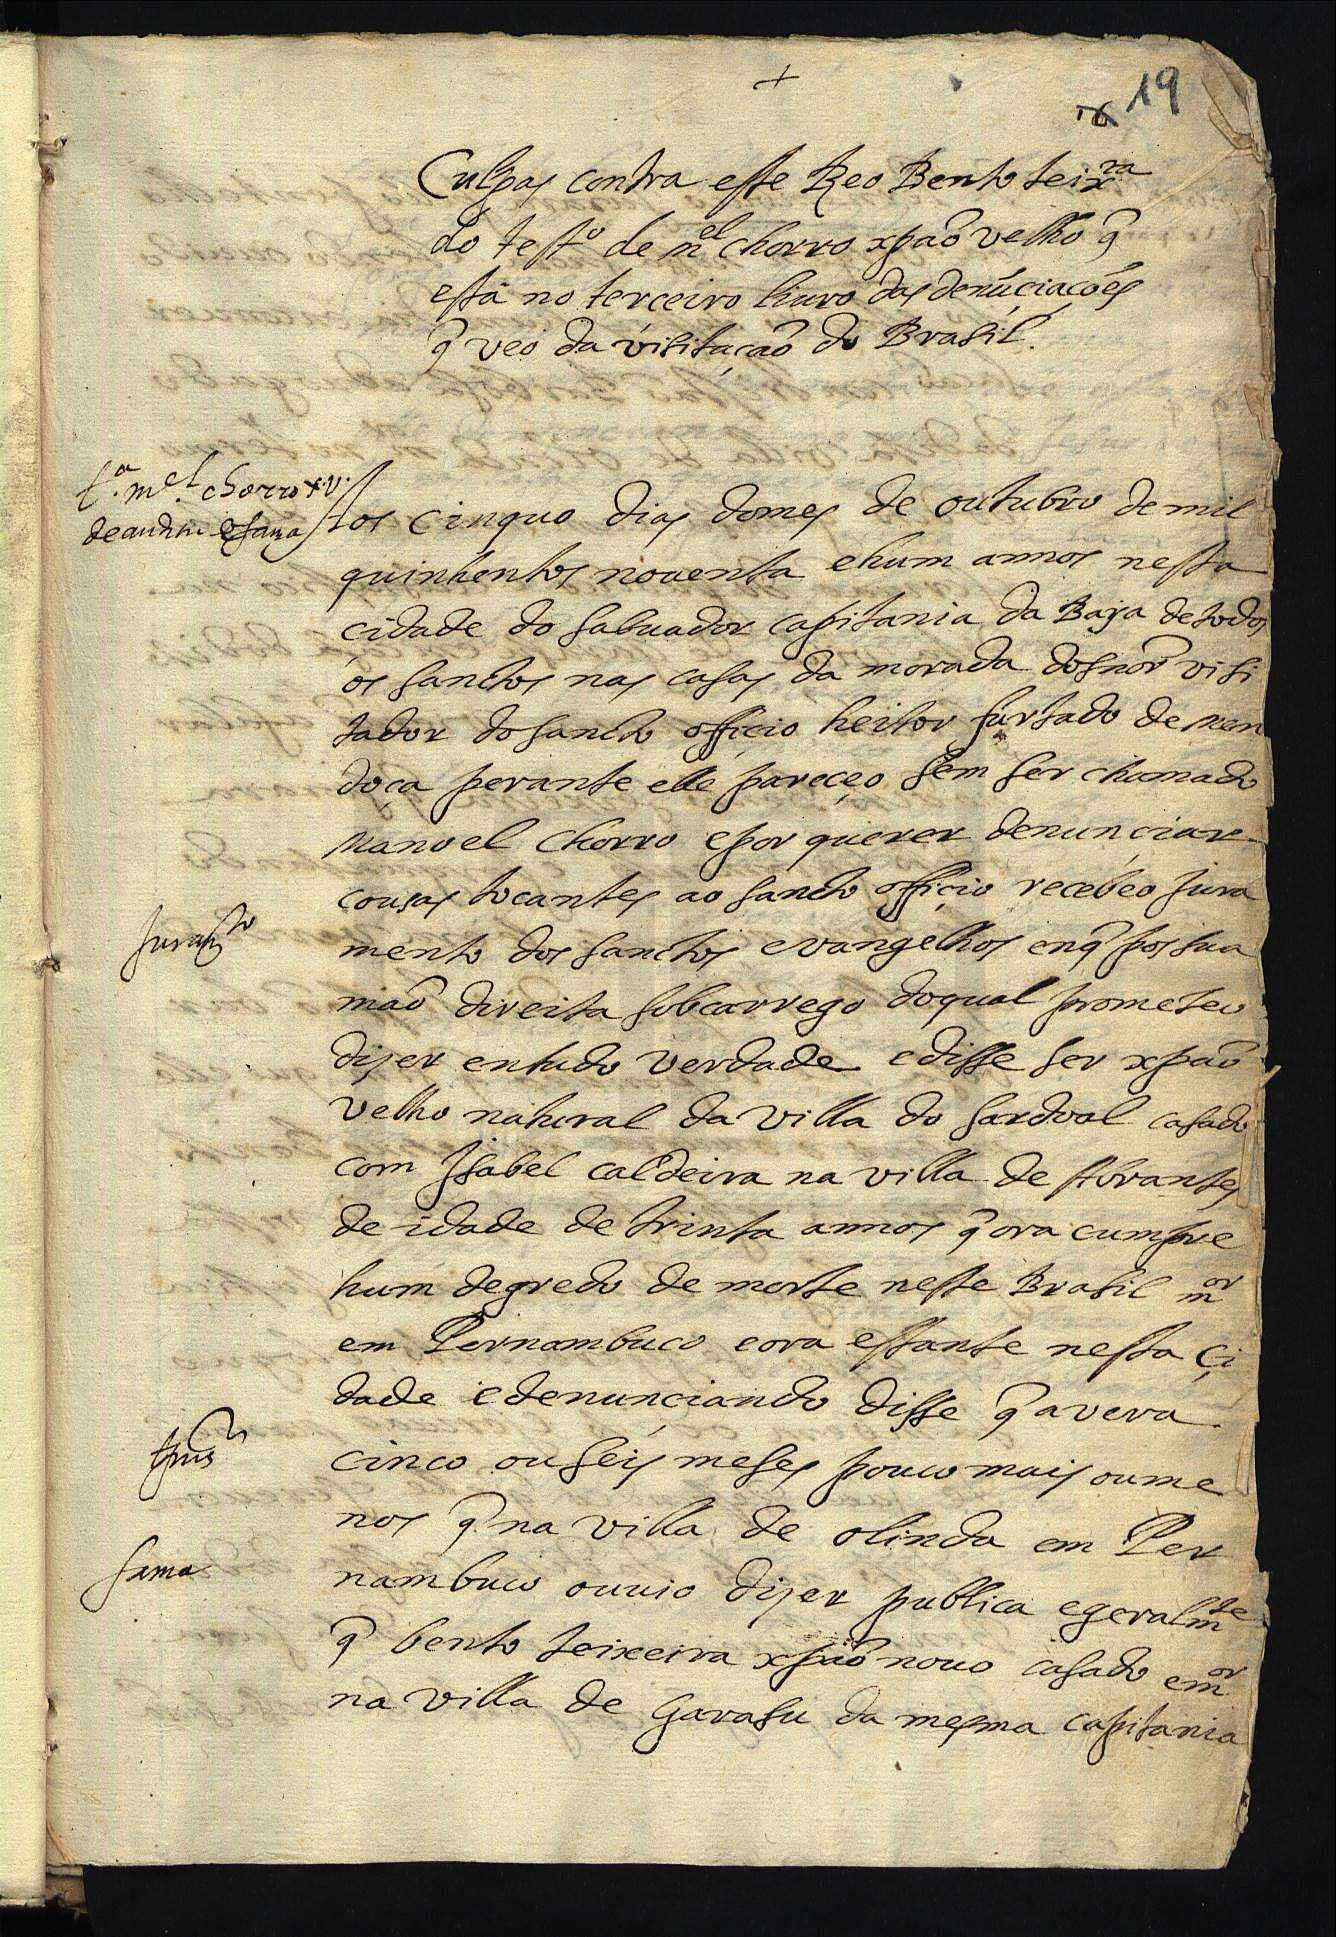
Culpas contra este Reo Bento teixra
do testo de mel chorro xpaõ velho q̄
está no terçeiro liuro das denūçiaçoẽs
q̄ veo da visitaçaõ do Brasil.
Aos cinquo dias do mes de outubro de mil
quinhentos nouenta e hum annos nesta
çidade do saluador capitania da Baya de todos
os sanctos nas casas da morada do snor̄ visi
tador do sancto offiçio heitor furtado de Men
doça perante elle pareçeo sem ser chamado
Manoel Chorro e por querer denunçiar
cousas tocantes ao sancto offiçio recebeo Jura
mento dos sanctos evangelhos en q̄ pos sua
maõ direita sob carrego do qual prometeo
dizer en tudo verdade e disse ser xpaõ
velho natural da villa do sardoal casado
com Jsabel caldeira na villa de Abrantes
de idade de trinta annos q̄ ora cumpre
hum degredo de morte neste Brasil mor
em Pernambuco e ora estante nessa çi
dade e denunciando disse q̄ avera
cinco ou seis meses pouco mais ou me
nos q̄ na villa de olinda em Per
nambuco ouuio dizer publica e geralmte
que bento teixeira xpaõ nouo casado e mor
na villa de Garasu da mesma capitania
